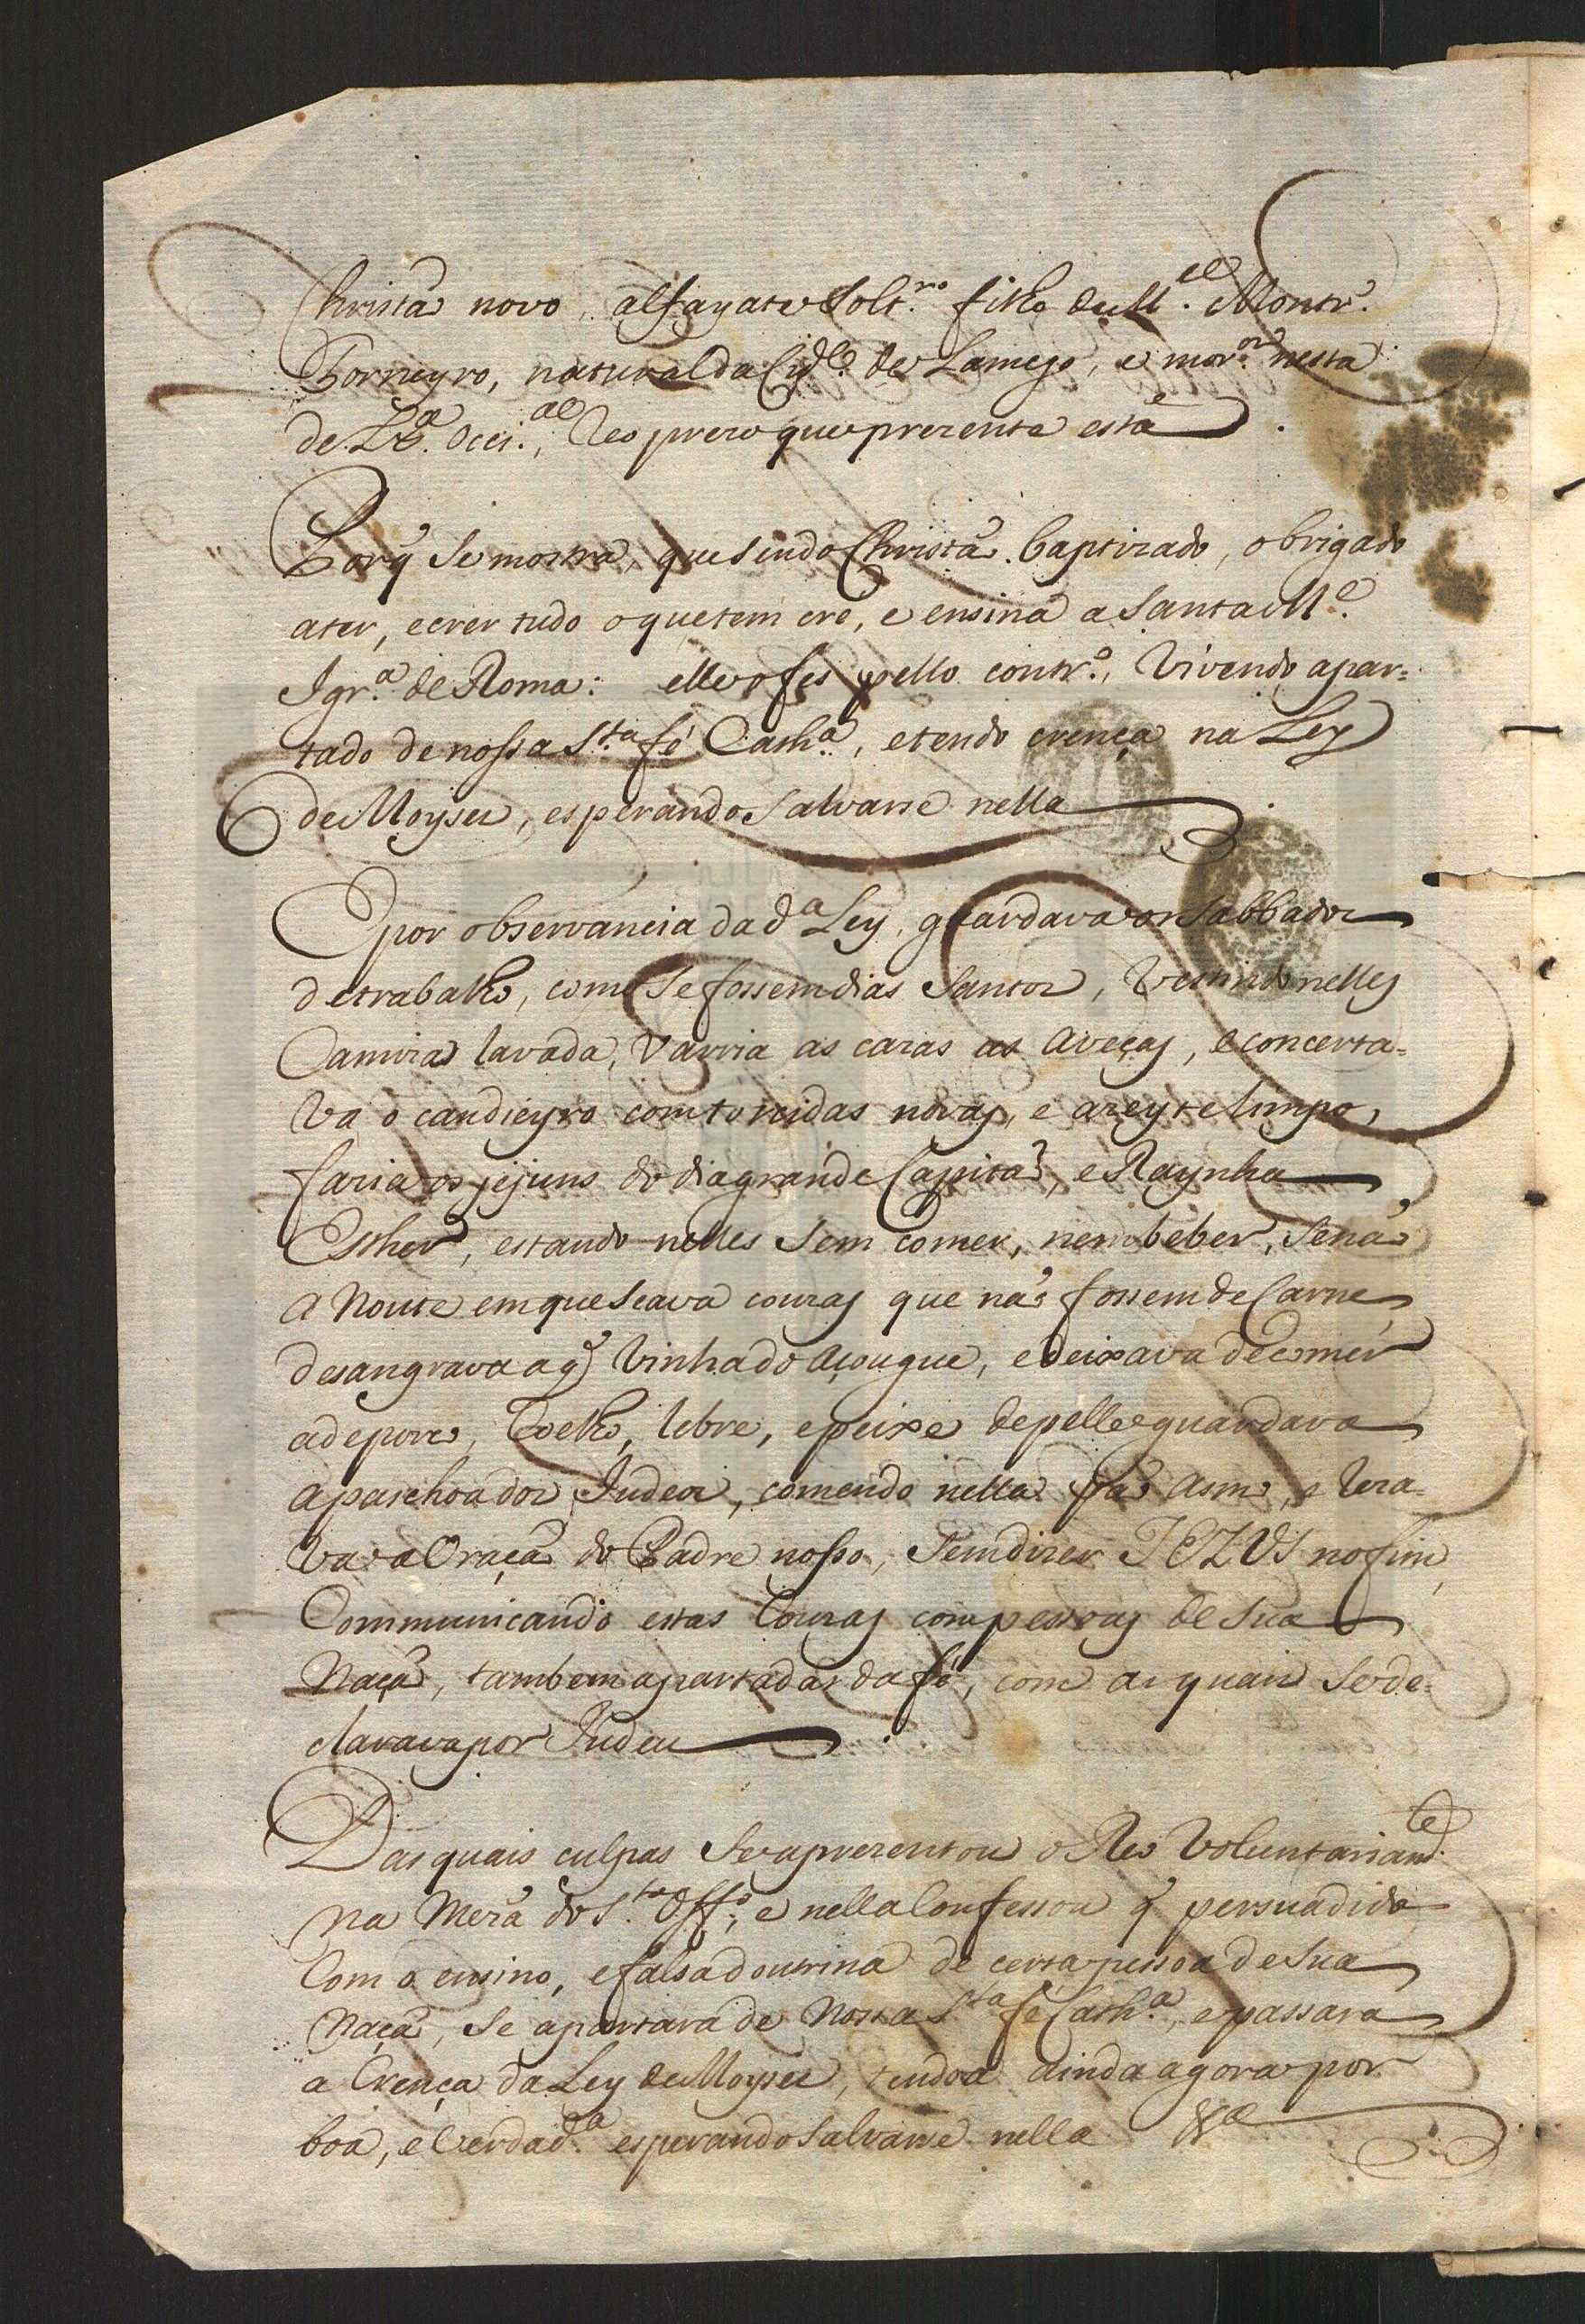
Chistão novo alfayate solt.ro filho de M.el Montr.o
Torneyro, natural da Cid.e de Lamego, e mor.or nesta
de Lx.a occi.al, Reo prezo que prezente estâ.
Porq̄ se mostra, que sendo Christão baptizado, obrigado
a ter, e crer tudo o que tem cre, e ensina a Santa M.e
Igr.a de Roma: elle o fes pello contr.o, vivendo apar
tado de nossa S.ta fé Cath.a, e tendo crença na Ley
de Moyses, esperando salvarse nella
E por observancia da da Ley, guardava os sabbados
de trabalho, como se fossem dias santos, vestindo nelles
Camiza lavada, varria as cazas as aveças, e concerta
va o candieyro com torcidas novas, e azeyte limpo,
fazia os jejuns do dia grande Capitaõ, e Raynha
Esther, estando nelles sem comer, nem beber, senaõ
a noute em que seava couzas que naõ fossem de Carne,
desangrava a q̄ vinha do açougue, e deixava de comer
a de porco, Coelho, lebre, e peixe de pelle e guardava
a paschoa dos Iudeos, comendo nella paõ asmo, e Reza
va a Oração do Padre nosso, sem dizer IEZVS no fim,
Communicando estas Couzas com pessoas de sua
naçaõ, tambem apartadas da fé, com as quais se de
clarava por Iudeu
Das quais culpas se aprezentou o Reo Voluntariam.te
na meza do s.to off.o, e nella confessou q̄ persuadido
com o ensino, e falsa doutrina de certa pessoa de sua
naçaõ, se apartara de nossa s.ta fé Cath.o, e passara
a crença da Ley de Moyses, tendoa ainda agora por
boa, e verdad.a esperando salvarse nella &a
